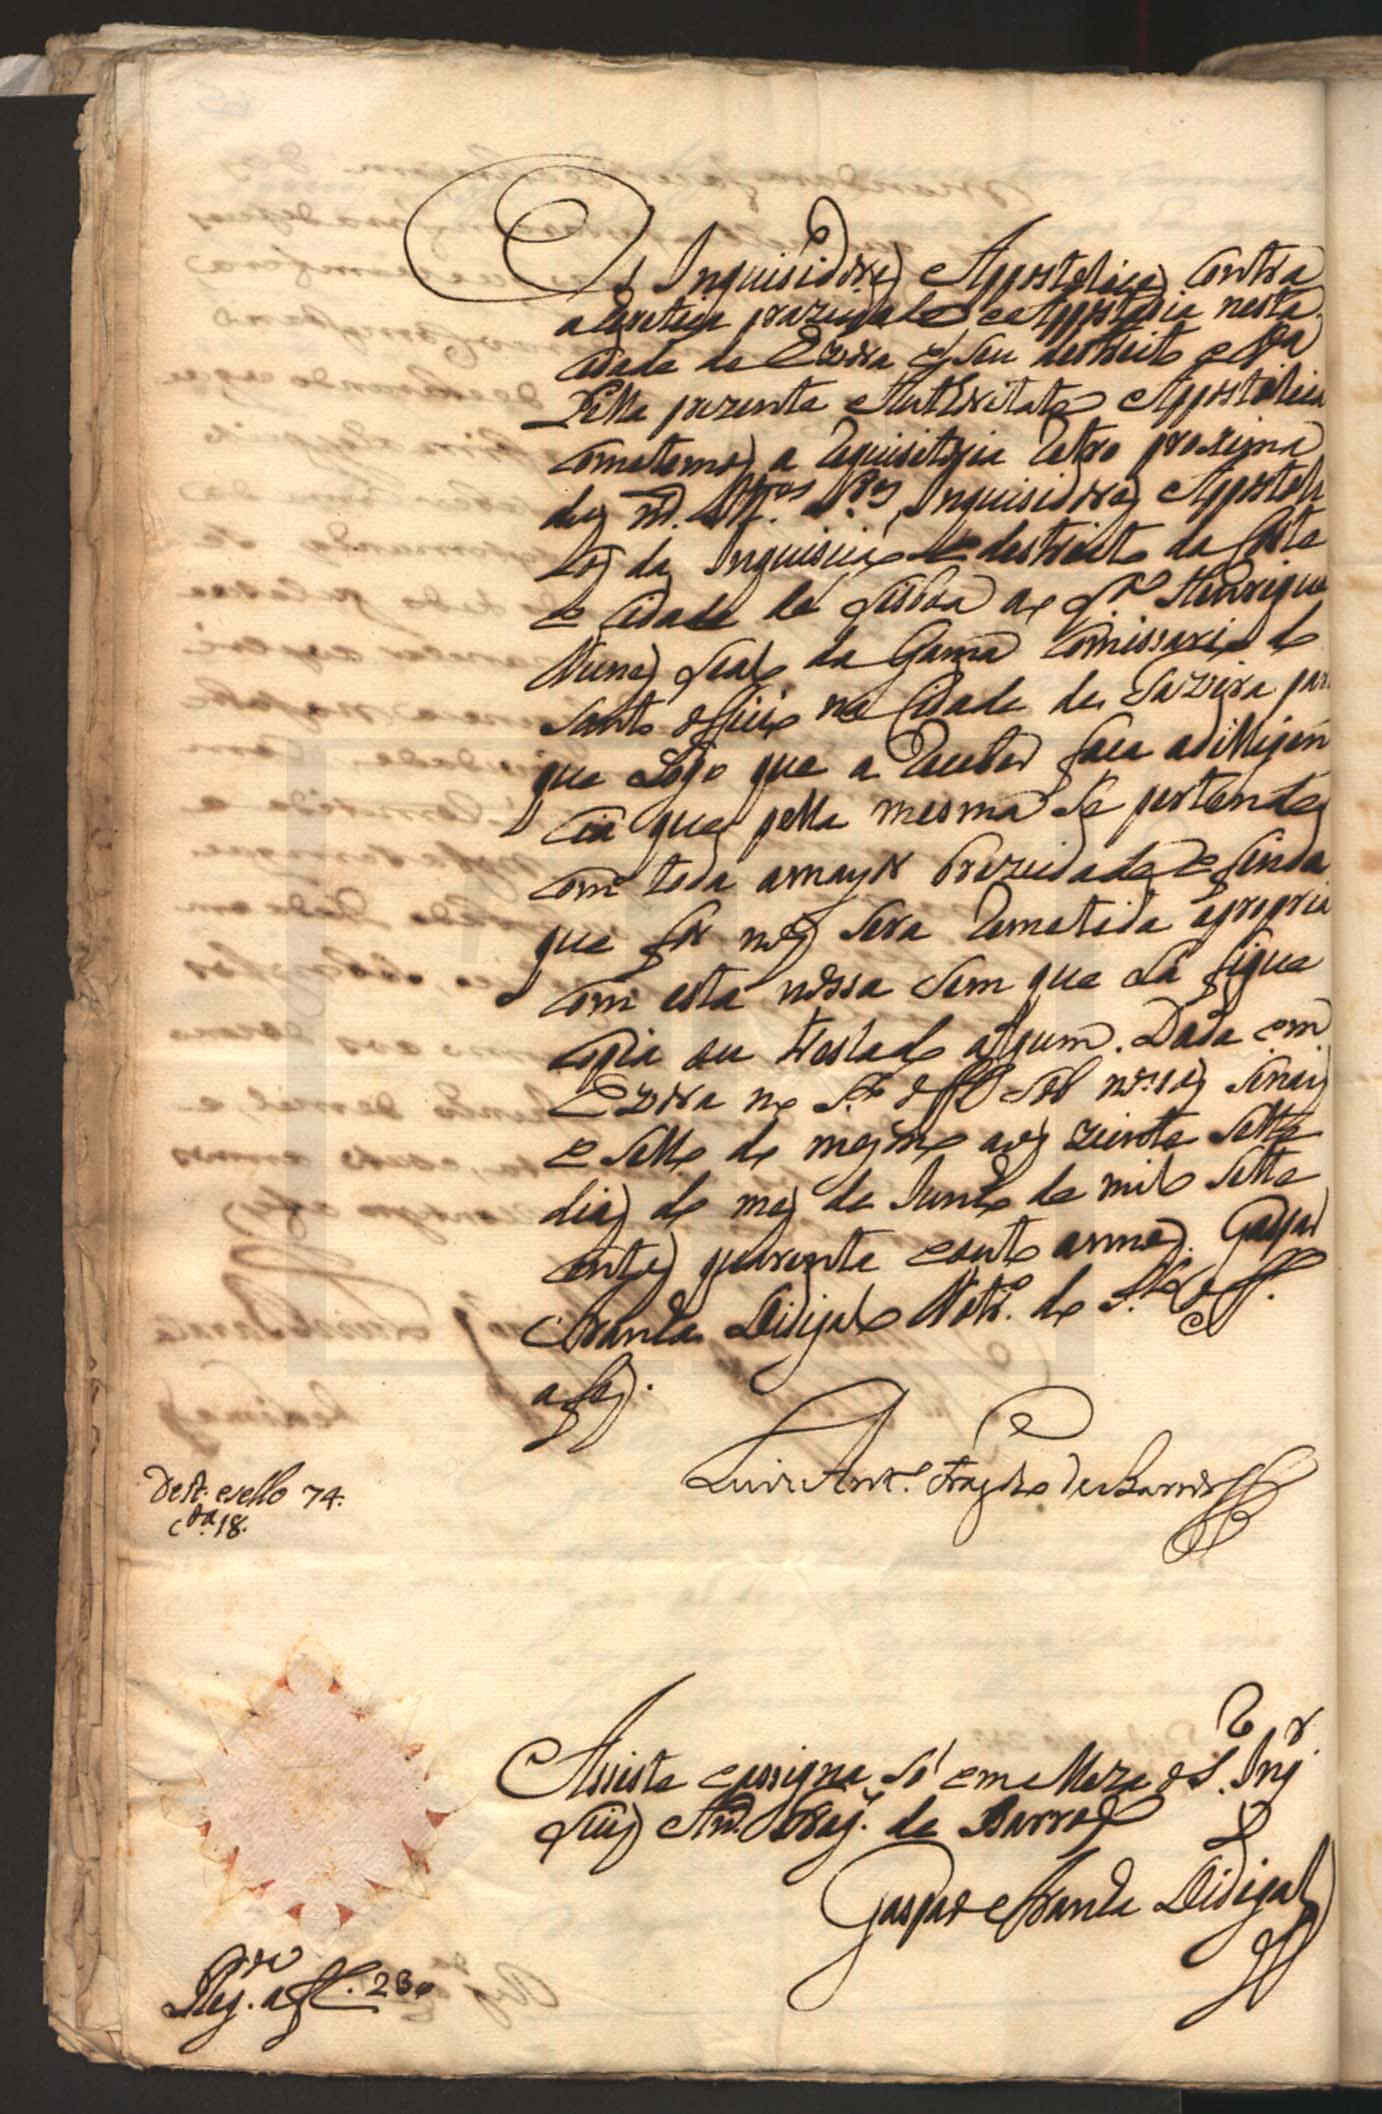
Os Inquisidores Appostolicos Contra
a heretica pravidade, e Appostasia nesta.
Cidade de Evora, e seu destricto e V.a
Pella prezente Authoritate Appostolica
Cometemos a Requisitoria Retro proxima
dos m.to Ill.os S.res, Inquisidores Appostoli
Cos da Inquisiçaõ e destricto da Corte
e Cidade de Lisboa ao L.o Henrique
Nunes Leal da Gama Comissario do
Santo officio na Cidade de Tavira pa
que Logo que a Receber faça a dilligen
Cia que pella mesma se pertende
Com toda a mayor brevidade e finda
que for nos sera Remetida a propria
Com esta nossa Sem que Lá fique
Copia ou treslado algum. Dada em
Evora no s.to offo sob nossos sinais
e sello do mesmo aos vinte sette
dias do mes de Iunho de mil sette
Centos quarenta e outo annos. Gaspar
Aranha Vidigal Notr.o do S.to off.o
a fes.
Luiz Ant.o Fragozo de Barros
Dest. e sello 74.
ct.a 18.
Assiste e o assigna só em Meza o s.ro Inqr.
Luis An.to Frag. de Barros
Gaspar Aranha Vidigal
Reg.da a fl. 230
